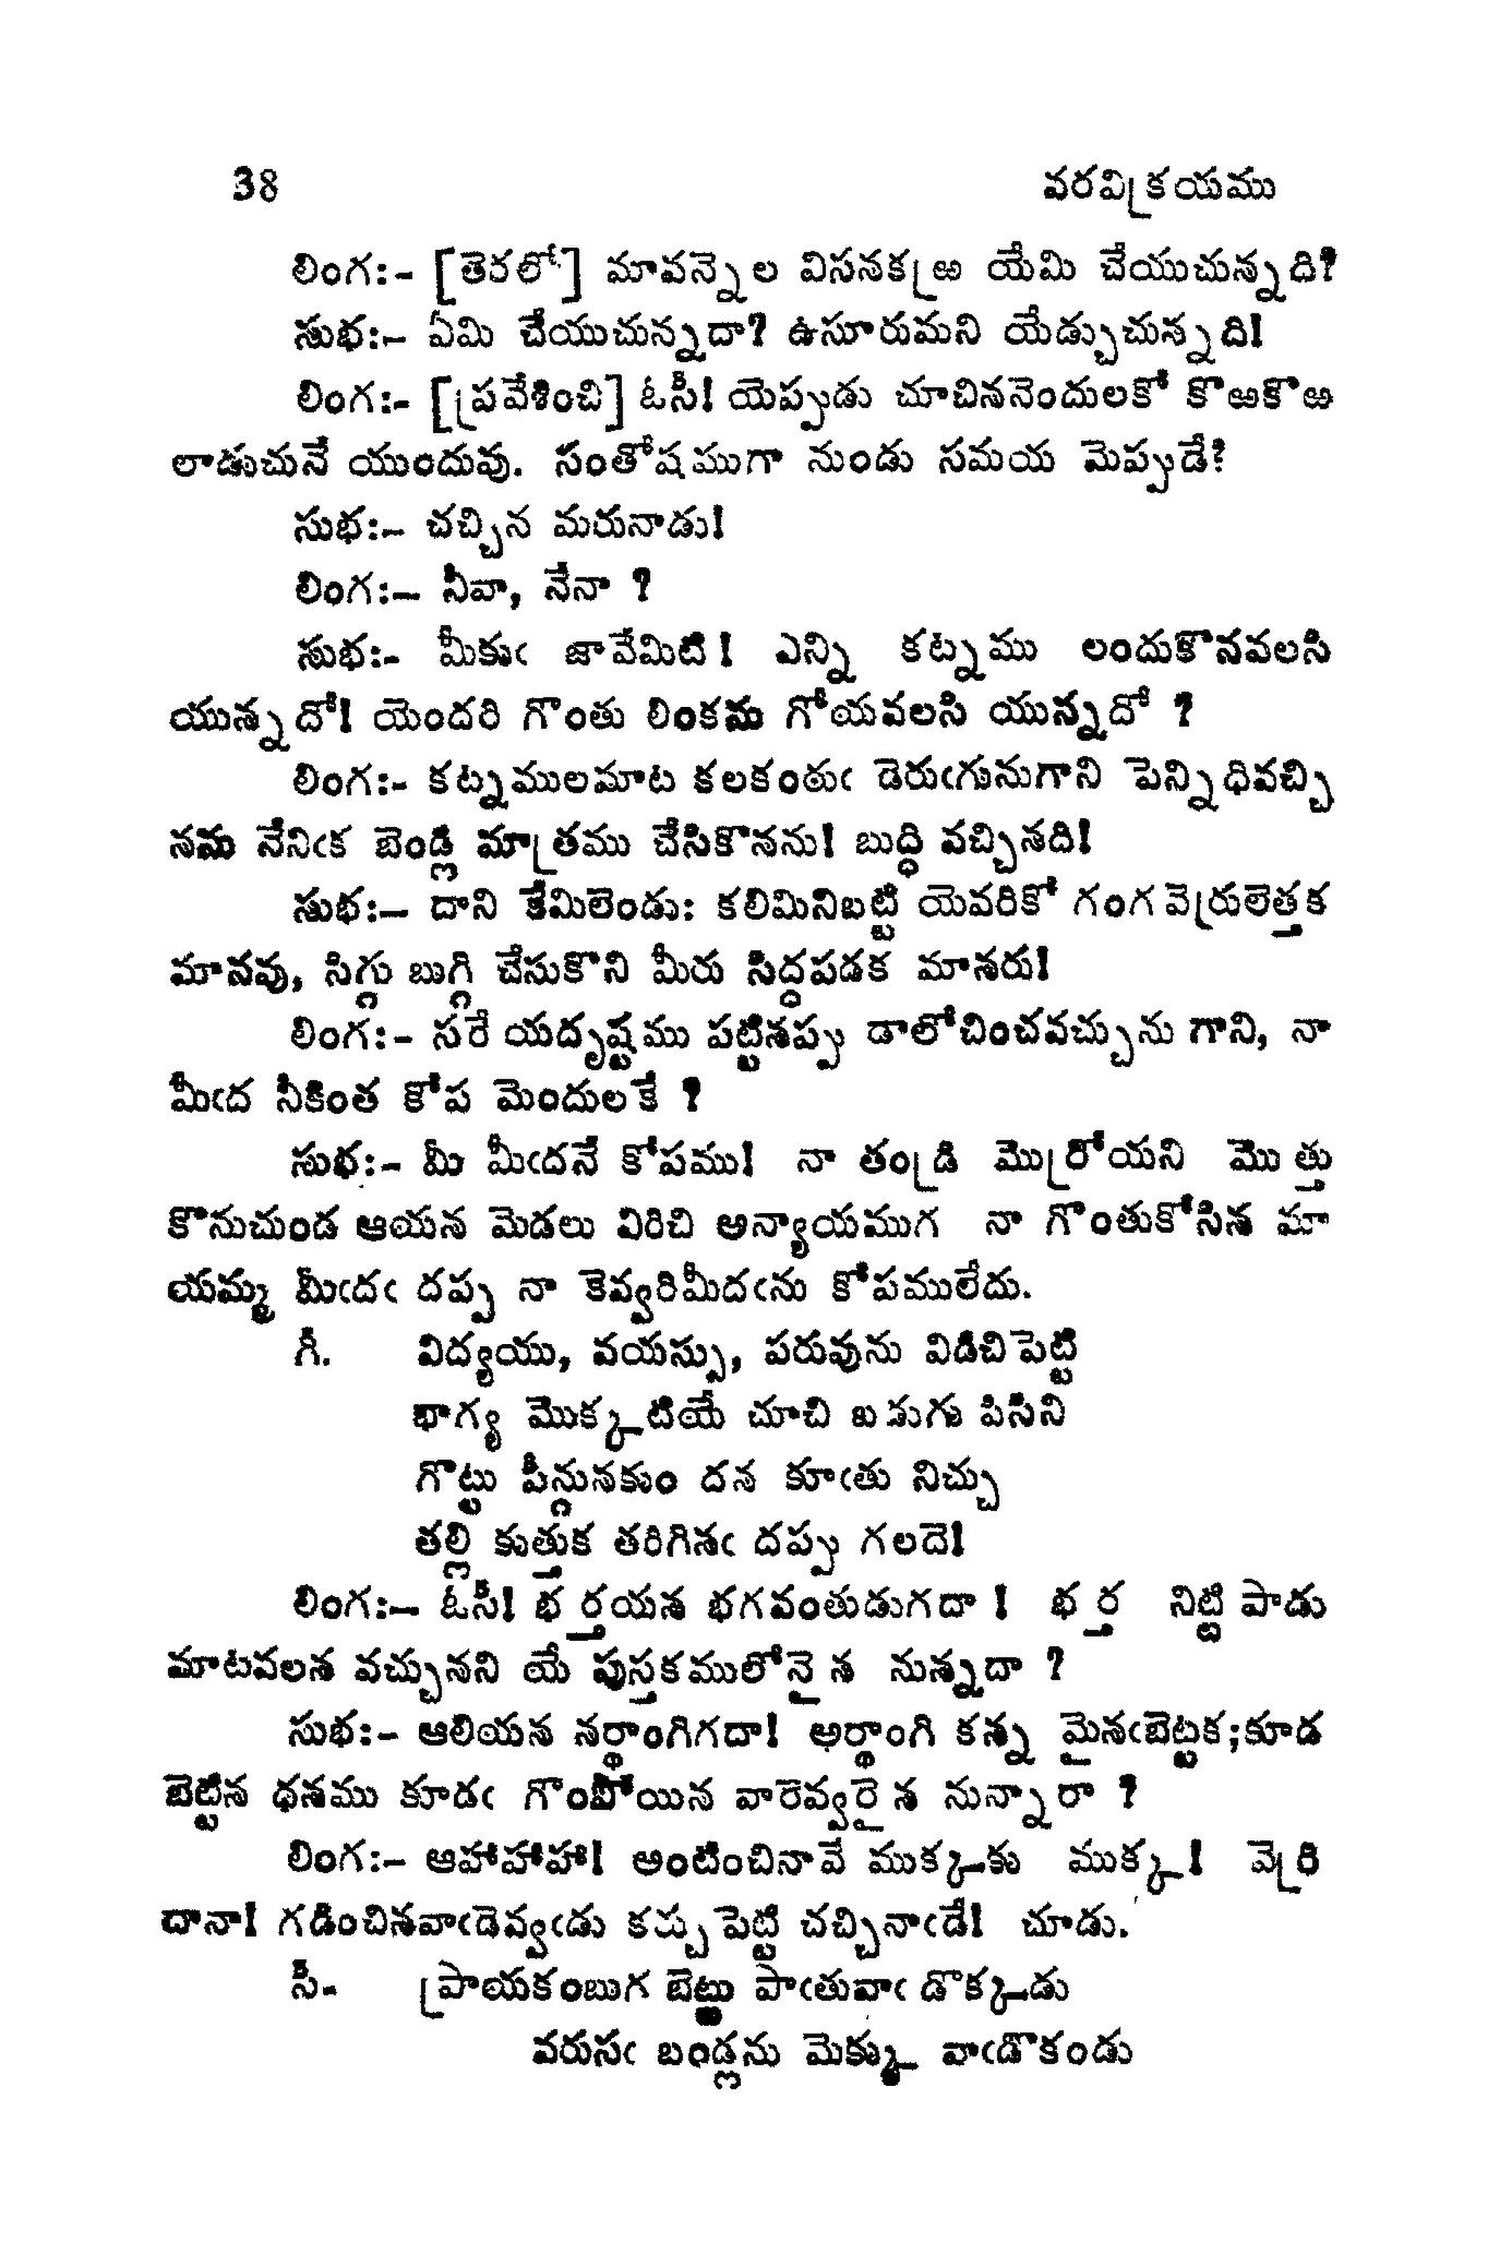లింగ :- (తెరలో) మావన్నెల విసనకఱ్ర యేమి చేయుచున్నది?

సుభ :- ఏమి చేయుచున్నదా? ఉసూరుమని యేడ్చుచున్నది!

లింగ :- (ప్రవేశించి) ఓసీ! యెప్పుడు చూచిననెందులకో కొఱకొఱ లాడుచునే యుందువు. సంతోషముగా నుండు సమయ మెప్పుడే?

సుభ :- చచ్చిన మఱునాఁడు!

లింగ :- నీవా, నేనా? 

సుభ :- మీకుఁ జావేమిటి! ఎన్ని కట్నము లందుకొనవలసి యున్నదో, యెందరి గొంతు లింకను గోయవలసి యున్నదో?

లింగ :- కట్నములమాట కలకంఠుఁ డెరుఁగునుగాని పెన్నిధివచ్చి నను నేనిఁక బెండ్లి మాత్రము చేసికొనను! బుద్ధివచ్చినది!

సుభ :- దాని కేమిలెండు! కలిమినిబట్టి యెవరికో గంగవెర్రులెత్తక మానవు, సిగ్గు బుగ్గి చేసికొని మీరు సిద్ధపడక మానరు!

లింగ :- సరే యదృష్టము పట్టినప్పు డాలోచించవచ్చును గాని, నా మీఁద నీకింత కోప మెందులకే?

సుభ :- మీ మీఁదనే కోపము! నా తండ్రి మొర్రోయని మొత్తుకొనుచుండ ఆయన మెడలు విరిచి అన్యాయముగ నా గొంతుకోసిన మాయమ్మ మీఁదఁ దప్ప నా కెవ్వరిమీఁదను కోపములేదు.

గీ. విద్యయు, వయస్సు, పరువును విడిచిపెట్టి
 భాగ్య మొక్కటియే చూచి బడుగు పిసిని
 గొట్టు పీన్గునకుం దన కూఁతు నిచ్చు
 తల్లి కుత్తుక తరిగినఁ దప్పు గలదె!

లింగ :- ఓసీ! భర్తయన భగవంతుఁడుగదా! భర్త నిట్టి పాడుమాట లనవచ్చునని యే పుస్తకములో నైన నున్నదా?

సుభ :- ఆలియన నర్ధాంగిగదా! అర్ధాంగి కన్న మైనఁబెట్టక, కూడఁబెట్టిన ధనము కూడఁ గొంపోయిన వారెవ్వరైన నున్నారా?

లింగ : -ఆహాహాహా! అంటించినావే ముక్కకు ముక్క! వెర్రిదానా! గడించినవాఁడెవ్వఁడు కర్చుపెట్టి చచ్చినాఁడే? చూడు.

సీ. ప్రాయకంబుగ బెట్టు పాఁతువాఁ డొక్కడు
 వరుసఁ బండ్లను మెక్కు -వాఁడొకండు